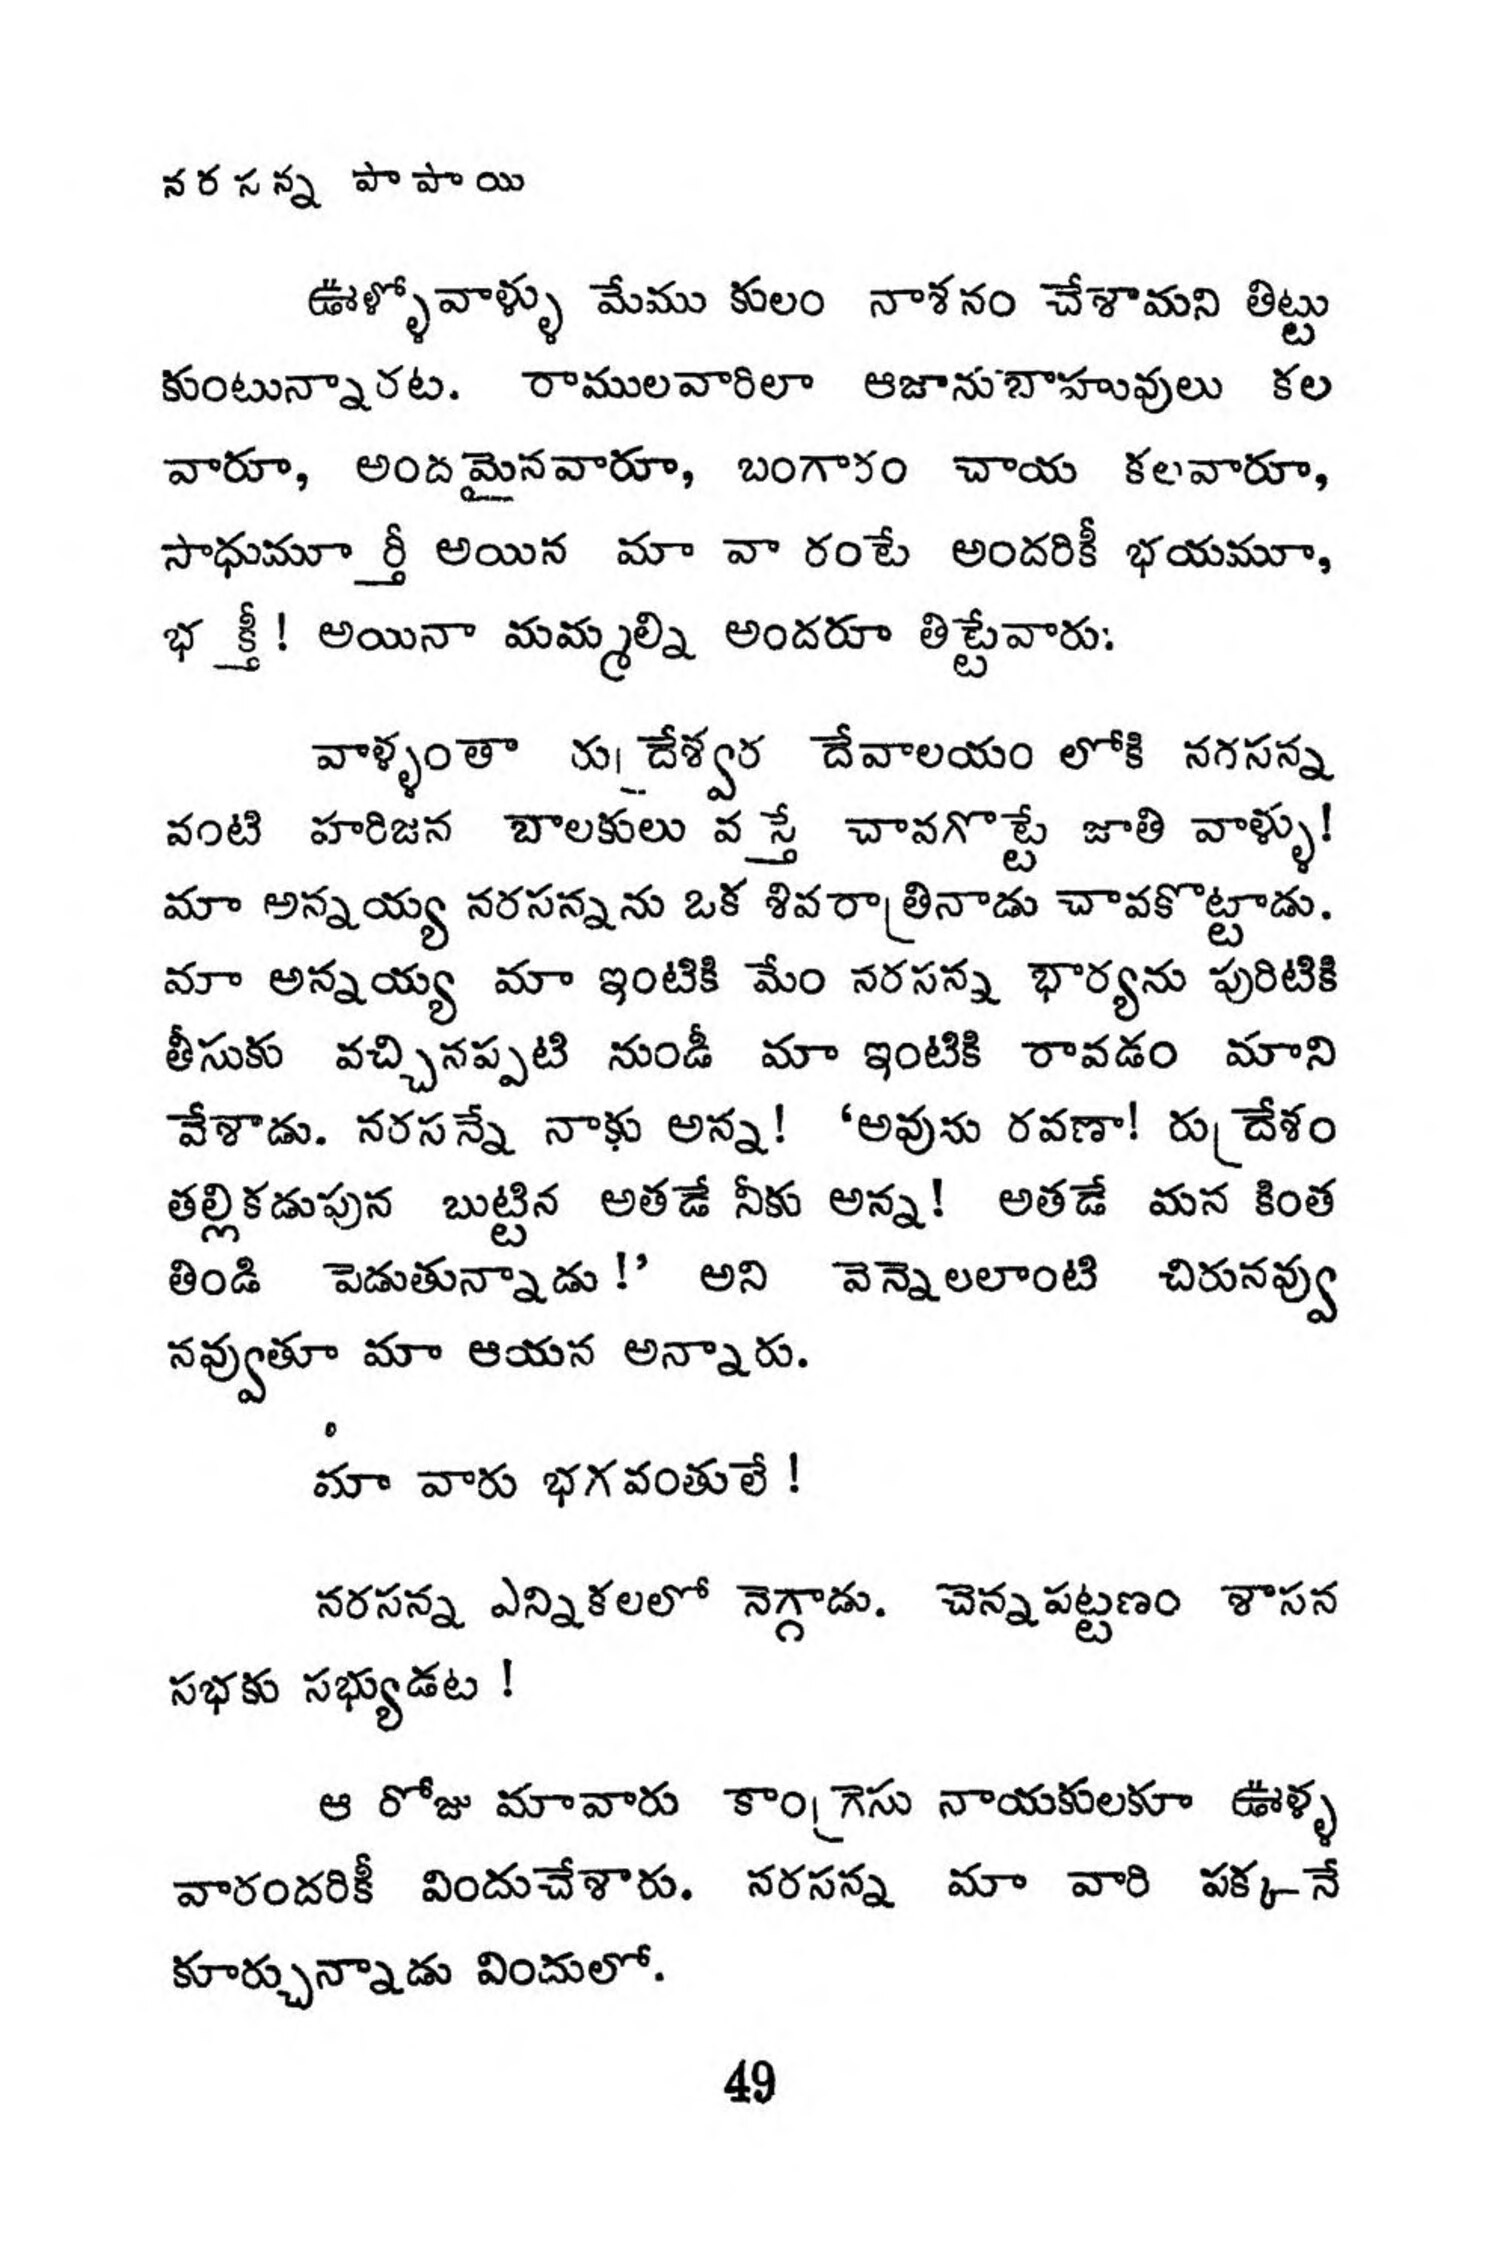ఊళ్ళోవాళ్ళు మేము కులం నాశనం చేశామని తిట్టుకుంటున్నారట. రాములవారిలా ఆజానుబాహువులు కలవారూ, అందమైనవారూ, బంగారం చాయ కలవారూ, సాధుమూర్తీ అయిన మా వా రంటే అందరికీ భయమూ, భక్తీ! అయినా మమ్మల్ని అందరూ తిట్టేవారు.

వాళ్ళంతా రుద్రేశ్వర దేవాలయం లోకి నరసన్న వంటి హరిజన బాలకులు వస్తే చావగొట్టే జాతి వాళ్ళు! మా అన్నయ్య నరసన్నను ఒక శివరాత్రినాడు చావకొట్టాడు. మా అన్నయ్య మా ఇంటికి మేం నరసన్న భార్యను పురిటికి తీసుకు వచ్చినప్పటి నుండీ మా ఇంటికి రావడం మాని వేశాడు. నరసన్నే నాకు అన్న! 'అవును రవణా! రుద్రేశం తల్లికడుపున బుట్టిన అతడే నీకు అన్న! అతడే మన కింత తిండి పెడుతున్నాడు!' అని వెన్నెలలాంటి చిరునవ్వు నవ్వుతూ మా ఆయన అన్నారు.

మా వారు భగవంతులే !

నరసన్న ఎన్నికలలో నెగ్గాడు. చెన్నపట్టణం శాసన సభకు సభ్యుడట !

ఆ రోజు మావారు కాంగ్రెసు నాయకులకూ ఊళ్ళ వారందరికీ విందుచేశారు. నరసన్న మా వారి పక్కనే కూర్చున్నాడు విందులో.